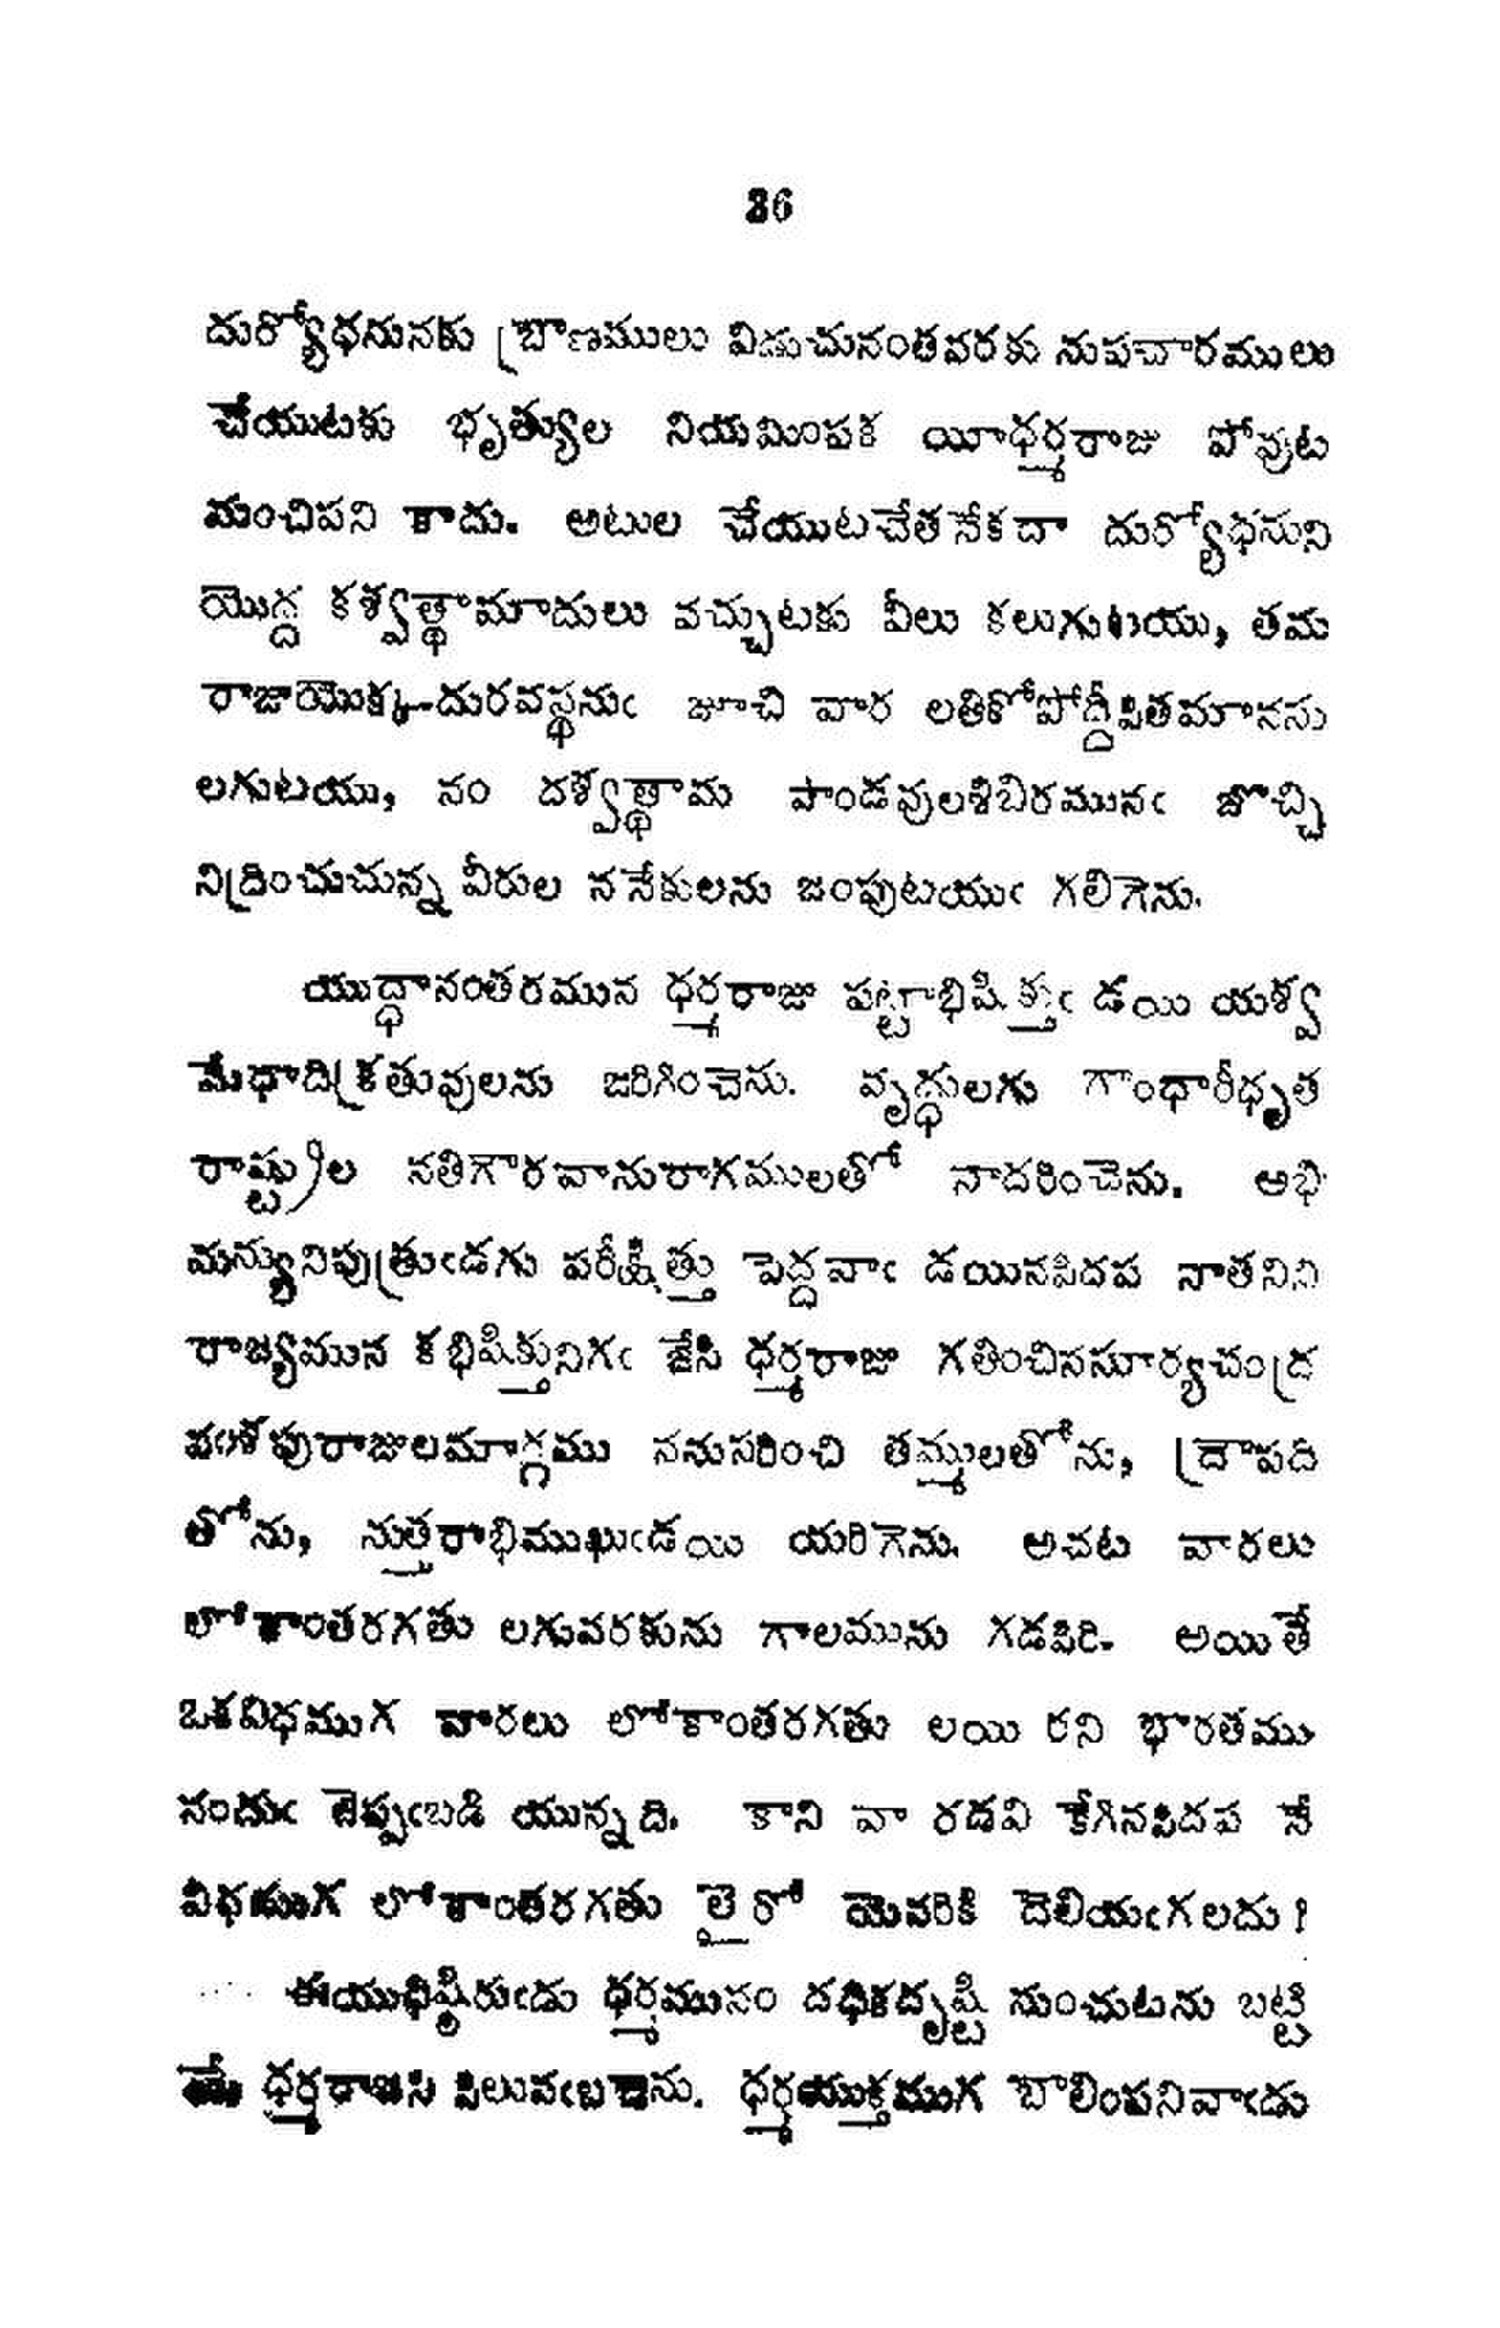దుర్యోధనునకు బ్రాణములు విడుచునంతవరకు నుపచారములు చేయుటకు భృత్యుల నియమింపక యీధర్మరాజు పోవుట మంచిపని కాదు. అటుల చేయుటచేతనేకదా దుర్యోధనుని యొద్ద కశ్వత్థామాదులు వచ్చుటకు వీలు కలుగుటయు, తమ రాజుయొక్కదురవస్థనుఁ జూచి వార లతికోపోద్దీపితమానసు లగుటయు, నం దశ్వత్థామ పాండవులశిబిరమునఁ జొచ్చి నిద్రించుచున్న వీరుల ననేకులను జంపుటయుఁ గలిగెను.

యుద్ధానంతరమున ధర్మరాజు పట్టాభిషిక్తుఁ డయి యశ్వమేధాదిక్రతువులను జరిగించెను. వృద్ధులగు గాంధారీధృతరాష్ట్రుల నతిగౌరవానురాగములతో నాదరించెను. అభిమన్యునిపుత్రుఁడగు పరీక్షిత్తు పెద్దవాఁ డయినపిదప నాతనిని రాజ్యమున కభిషిక్తునిగఁ జేసి ధర్మరాజు గతించినసూర్యచంద్ర
వంశపురాజులమార్గము ననుసరించి తమ్ములతోను, ద్రౌపదితోను, నుత్తరాభిముఖుఁడయి యరిగెను.
అచట వారలు లోకాంతరగతు లగువరకును గాలమును గడపిరి. అయితే ఒకవిధముగ వారలు లోకాంతరగతు లయి రని భారతము నందుఁ జెప్పఁబడి యున్నది. కాని వా రడవి కేగినపిదప నే
విధముగ లోకాంతరగతు లైరో యెవరికి దెలియఁగలదు ? 

ఈయుధిష్ఠిరుఁడు ధర్మమునం దధికదృష్టి నుంచుటను బట్టియే ధర్మరాజని పిలువఁబడెను. ధర్మయుక్తముగ బాలింపనివాఁడు